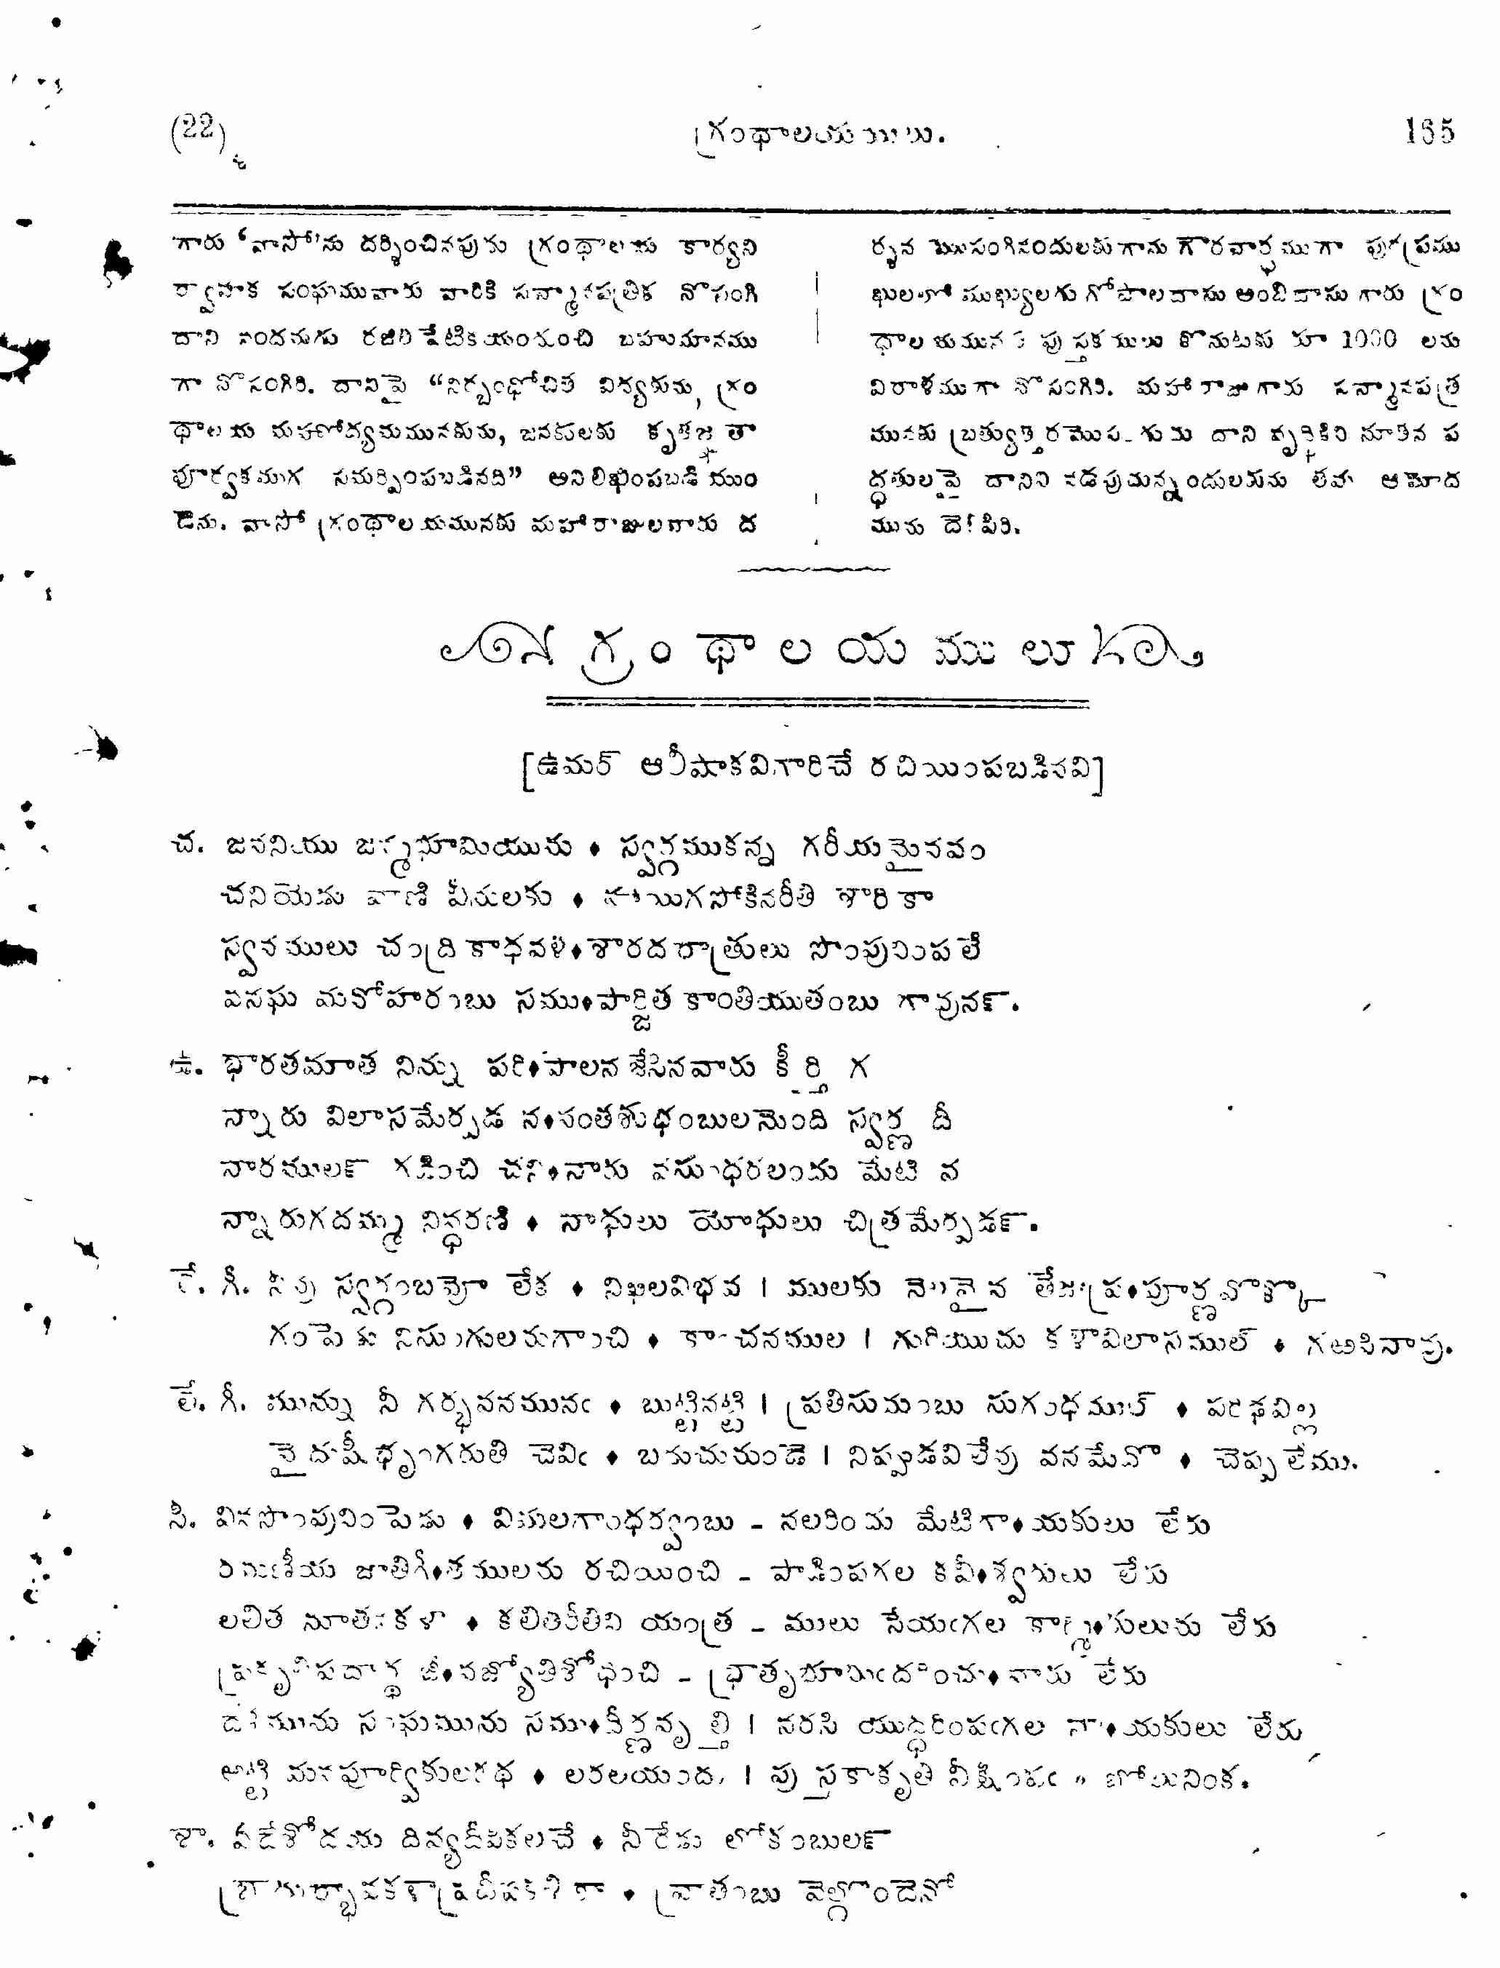'గారు 'వాసో'ను దర్శించినపుకు గ్రంథాలకు కార్యనిర్వాహక సంఘమువారు వారికి సన్మానపత్రిక నొసంగి దాని నందరును రజత పేటికయందుంచి బహుమానముగా నొసంగిరి. దానిపై “నిర్బంధోచిత విద్యకును, గ్రంథాలయ మహోద్యమమునకురు, జనకులకు కృతజ్ఞతా పూర్వకముగ సమర్పింపబడినది" అని లిఖింపబడి యుండెను. వాసో గ్రంథాలయమునకు మహారాజులవారు దర్శన మొసంగినందులకుగాను గౌరవార్ధముగా పురప్రముఖులలో ముఖ్యులగు గోపాలదాసు అంబిదాసు గారు గ్రంథాలయుమునకు పుస్తకములు కొనుటకు రూ.1000 లను విరాళముగా నొసంగిరి. మహారాజు గారు సన్మానపత్రమునకు బ్రత్యుత్తరమొసంగుకు దాని వృద్ధికిని నూతన పద్ధతులపై దానిని నడపుచున్నందులకును తమ ఆమోదమును దెలిపిరి.

చ. జననియు జన్మభూమియును♦స్వర్గముకన్న గరీయమైనవం
చనియెను వాణి వీనులకు♦ సోకినరీతి శారికా
స్వనములు చంద్రి కాధవళి♦ శారదరాత్రులు సొంపుకుంపలే
వనఘ మరోహరంబు సము♦పార్జిత కాంతియుతంబు గావున౯.

ఉ. భారతమాత నిన్ను పరి♦పాలన చేసినవారు కీర్తి గ
న్నారు విలాసమేర్పడ న♦సంతశుభంబులమైంది స్వర్ణ దీ
నారముల౯ గురించి చని♦నారు వసుంధరలందు మేటి వ 
న్నారుగదమ్మ నిద్ధరణి♦నాధులు యోధులు చిత్రమేర్పడ౯.

తే.గీ.నీవు స్వర్ణంబవో లేక నిఖిలవిభవ ౹ ములకు నెలవైన తేజప్ర♦పూర్ణ వొక్కొ
గంపెడు నిసుంగులకుగాంచి♦ కాంచనములు ౹ గురియుచు కళావిలాసముల్♦ గఱపినావు.

తే.గీ.మున్ను నీ గర్భవనమునఁ♦బుట్టినట్టి ౹ ప్రతిసుమంబు సుంగుధముల్♦ పరిఢవిల్ల
వైదుషీ ధృగరుతి చెవిఁ♦బరుచునుండె ౹ నిప్పుడవి లేవు వనమేదో♦చెప్పలేము.

సీ. వినసొంపునింపెడు♦ విమలగాంధర్వంబు - నలరించు మేటిగా♦యకులు లేరు 
రమణీయ జాతి♦గీతములకు రచియించి - పాడింపగల కవీ♦శ్వరులు లేరు 
లలిత నూతన కళా♦ కలితరీతిని యంత్ర - ములు సేయఁగల కార్మి♦కులును లేరు 
ప్రకృతి పదార్థ జీ♦వజ్యోతిశోధించి - భ్రాతృభూమిధరించు♦వారు లేరు 
దేశమును సంఘమును సము♦దీర్ణవృత్తి ౹ నరసి యుద్ధరింపఁగల నా♦యకులు లేరు 
అట్టి మన పూర్వికులకథ♦లరలయుందు| పుస్తకాకృతి వీక్షింపఁ బోలునింక .

శా. ఏదేశోదయ దివ్యదీపికలచే♦నీరేడు లోకంబుల౯
బ్రాదుర్భావకళాప్రదీపకళికా♦దీపకశిగా వ్రాతంబు వెల్గొందెనో